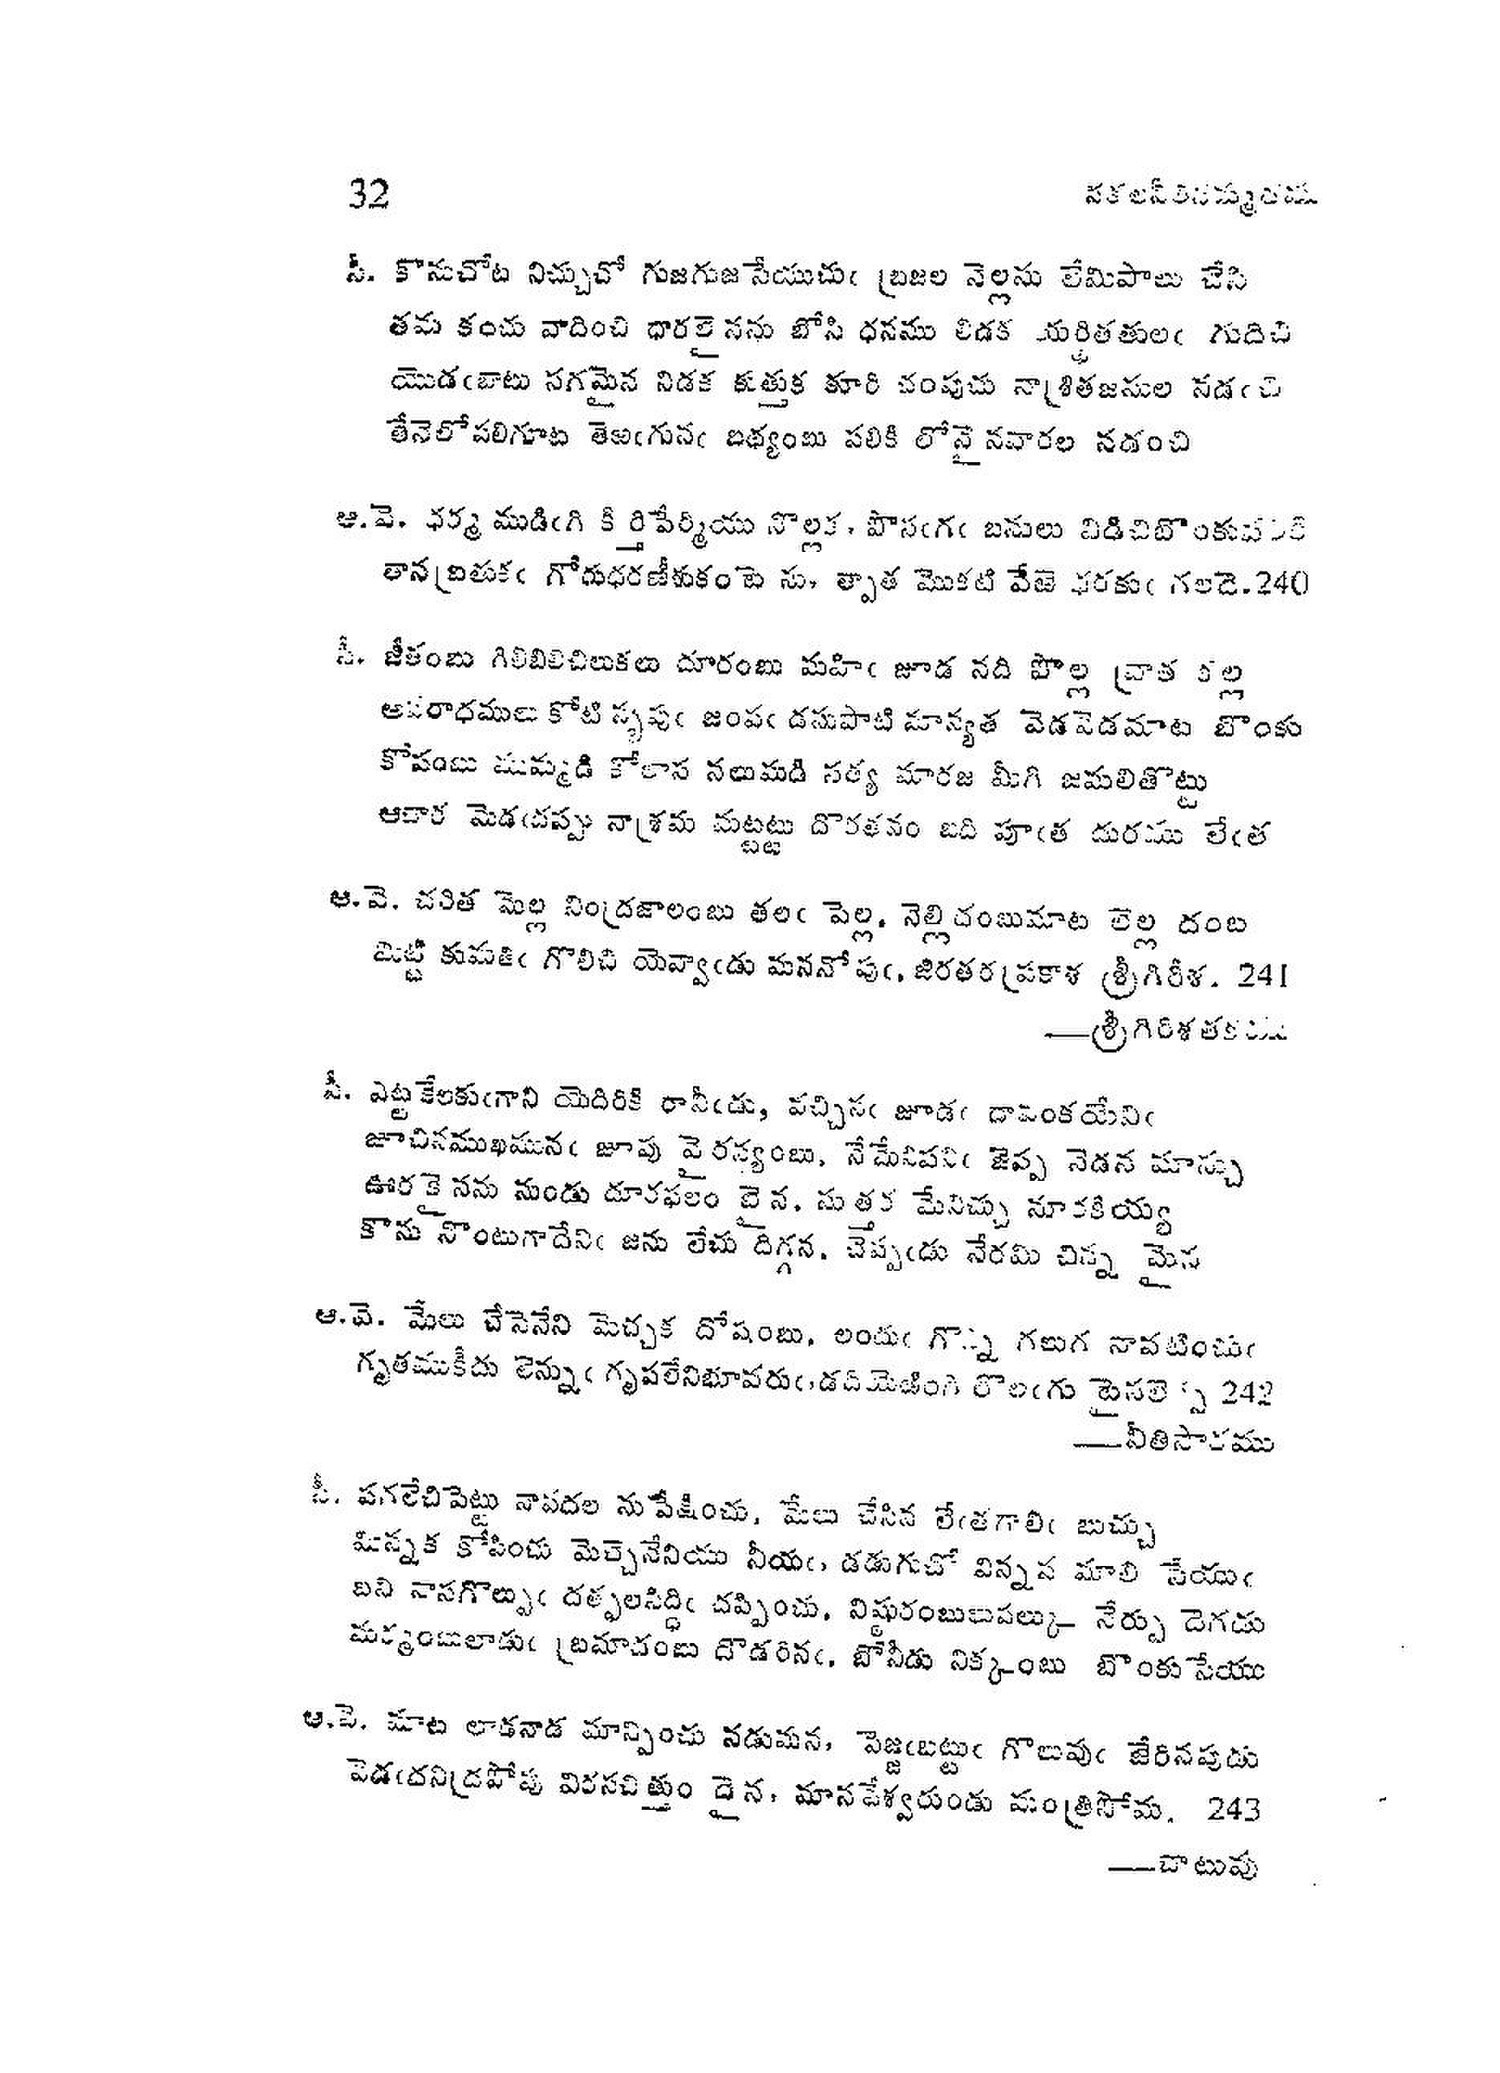సీ. కొనుచోట నిచ్చుచో గుజగుజ సేయుచుఁ
బ్రజల నెల్లను లేమిపాలు చేసి
తమ కంచు వాదించి ధారలైనను బోసి
ధనము లిడక యర్థిరతులఁ గుదిచి
యొడఁబాటు సగమైన నిడుక కుత్తుక కూరి
చంపుచు నాశ్రితజనుల నడఁచి
తేనెలోపలి గూడ తెఱఁగునఁ బథ్యంబు
పలికి లోనైనవారల నడంచి
ఆ. ధర్మ ముడిఁగి కీర్తిపేర్మియు నొల్లక
పొసఁగఁ బనులు విడిచి బొంకు పలికి
తాన బ్రతుకఁ గోరు ధరణీశు కంటె ను
త్పాత మొకటి వేఱె ధరకు గలదె. 240

సీ. జీతంబు గిలిబిలిచిలుకలు దూరంబు
మహిఁ జూడ నది పొల్ల వ్రాత కల్ల
అపరాధములు కోటి నృపుఁ జంపఁ డనుపాటి
మాన్యత వెడవెడ మాట బొంకు
కోపంబు ముమ్మడి కోలాస నలుమడి
సత్య మారజ మీగి జమిలితొట్టు
ఆచార మెడఁదప్పు నాశ్రమ మట్టట్టు
దొరతనం బది పూఁత దురము లేఁత
ఆ. చరిత మెల్ల నింద్రజాలంబు తలఁ పెల్ల
నెల్లిదంబుమాట లెల్ల దంబ
మిట్టి కుమతిఁ గొలిచి యెవ్వాఁడు మననోపుఁ
జిరతరప్రకాశ శ్రీగిరీశ. 241

సీ. ఎట్టకేలకుఁగాని యెదిరికి రానీఁడు
వచ్చినఁ జూడఁ డావంకయేనిఁ
జూచినముఖమునఁ జూపు వైరస్యంబు
నేమేనిపనిఁ జెప్ప నెడన మాన్చు
ఊరకైనను నుండు దూరఫలం బైన
నుత్తర మేనిచ్చు నూరకియ్య
కొను నొంటుగాదేనిఁ జను లేచు దిగ్గన
చెప్పఁడు నేలమి చిన్న మైన
ఆ. మేలు చేసెనేని మెచ్చక దోషంబు
లందుఁ గొన్న గలుగ నావటించుఁ
గృతముకీడు లెన్నుఁ గృపలేని భూవరుఁ
డది యెఱింగి తొరఁగు టైన లెస్స. 242

సీ. పగలేచిపెట్టు నాపదల నుపేక్షించు
మేలు చేసిన లేఁతగాలిఁ బుచ్చు
మిన్నక కోపించు మెచ్చెనేనియు నీయఁ
డడుగుచో విన్నప మాలి సేయుఁ
బని నానగొల్పుఁ దత్ఫలసిద్ధిఁ దప్పించు
నిష్ఠురంబులుపల్కు నేర్పు దెగడు
మర్మంబులాడుఁ బ్రమాదంబు దొడరినఁ
బోనీడు నిక్కంబు బొంకుసేయు
ఆ. మాట లాడనాడ మాన్పించు నడుమన
సెజ్జఁబట్టుఁ గొలువఁ జేరినపుడు
వెడఁదనిద్రపోవు విరసచిత్తుం డైన
మానవేశ్వరుండు మంత్రి సోమ. 243